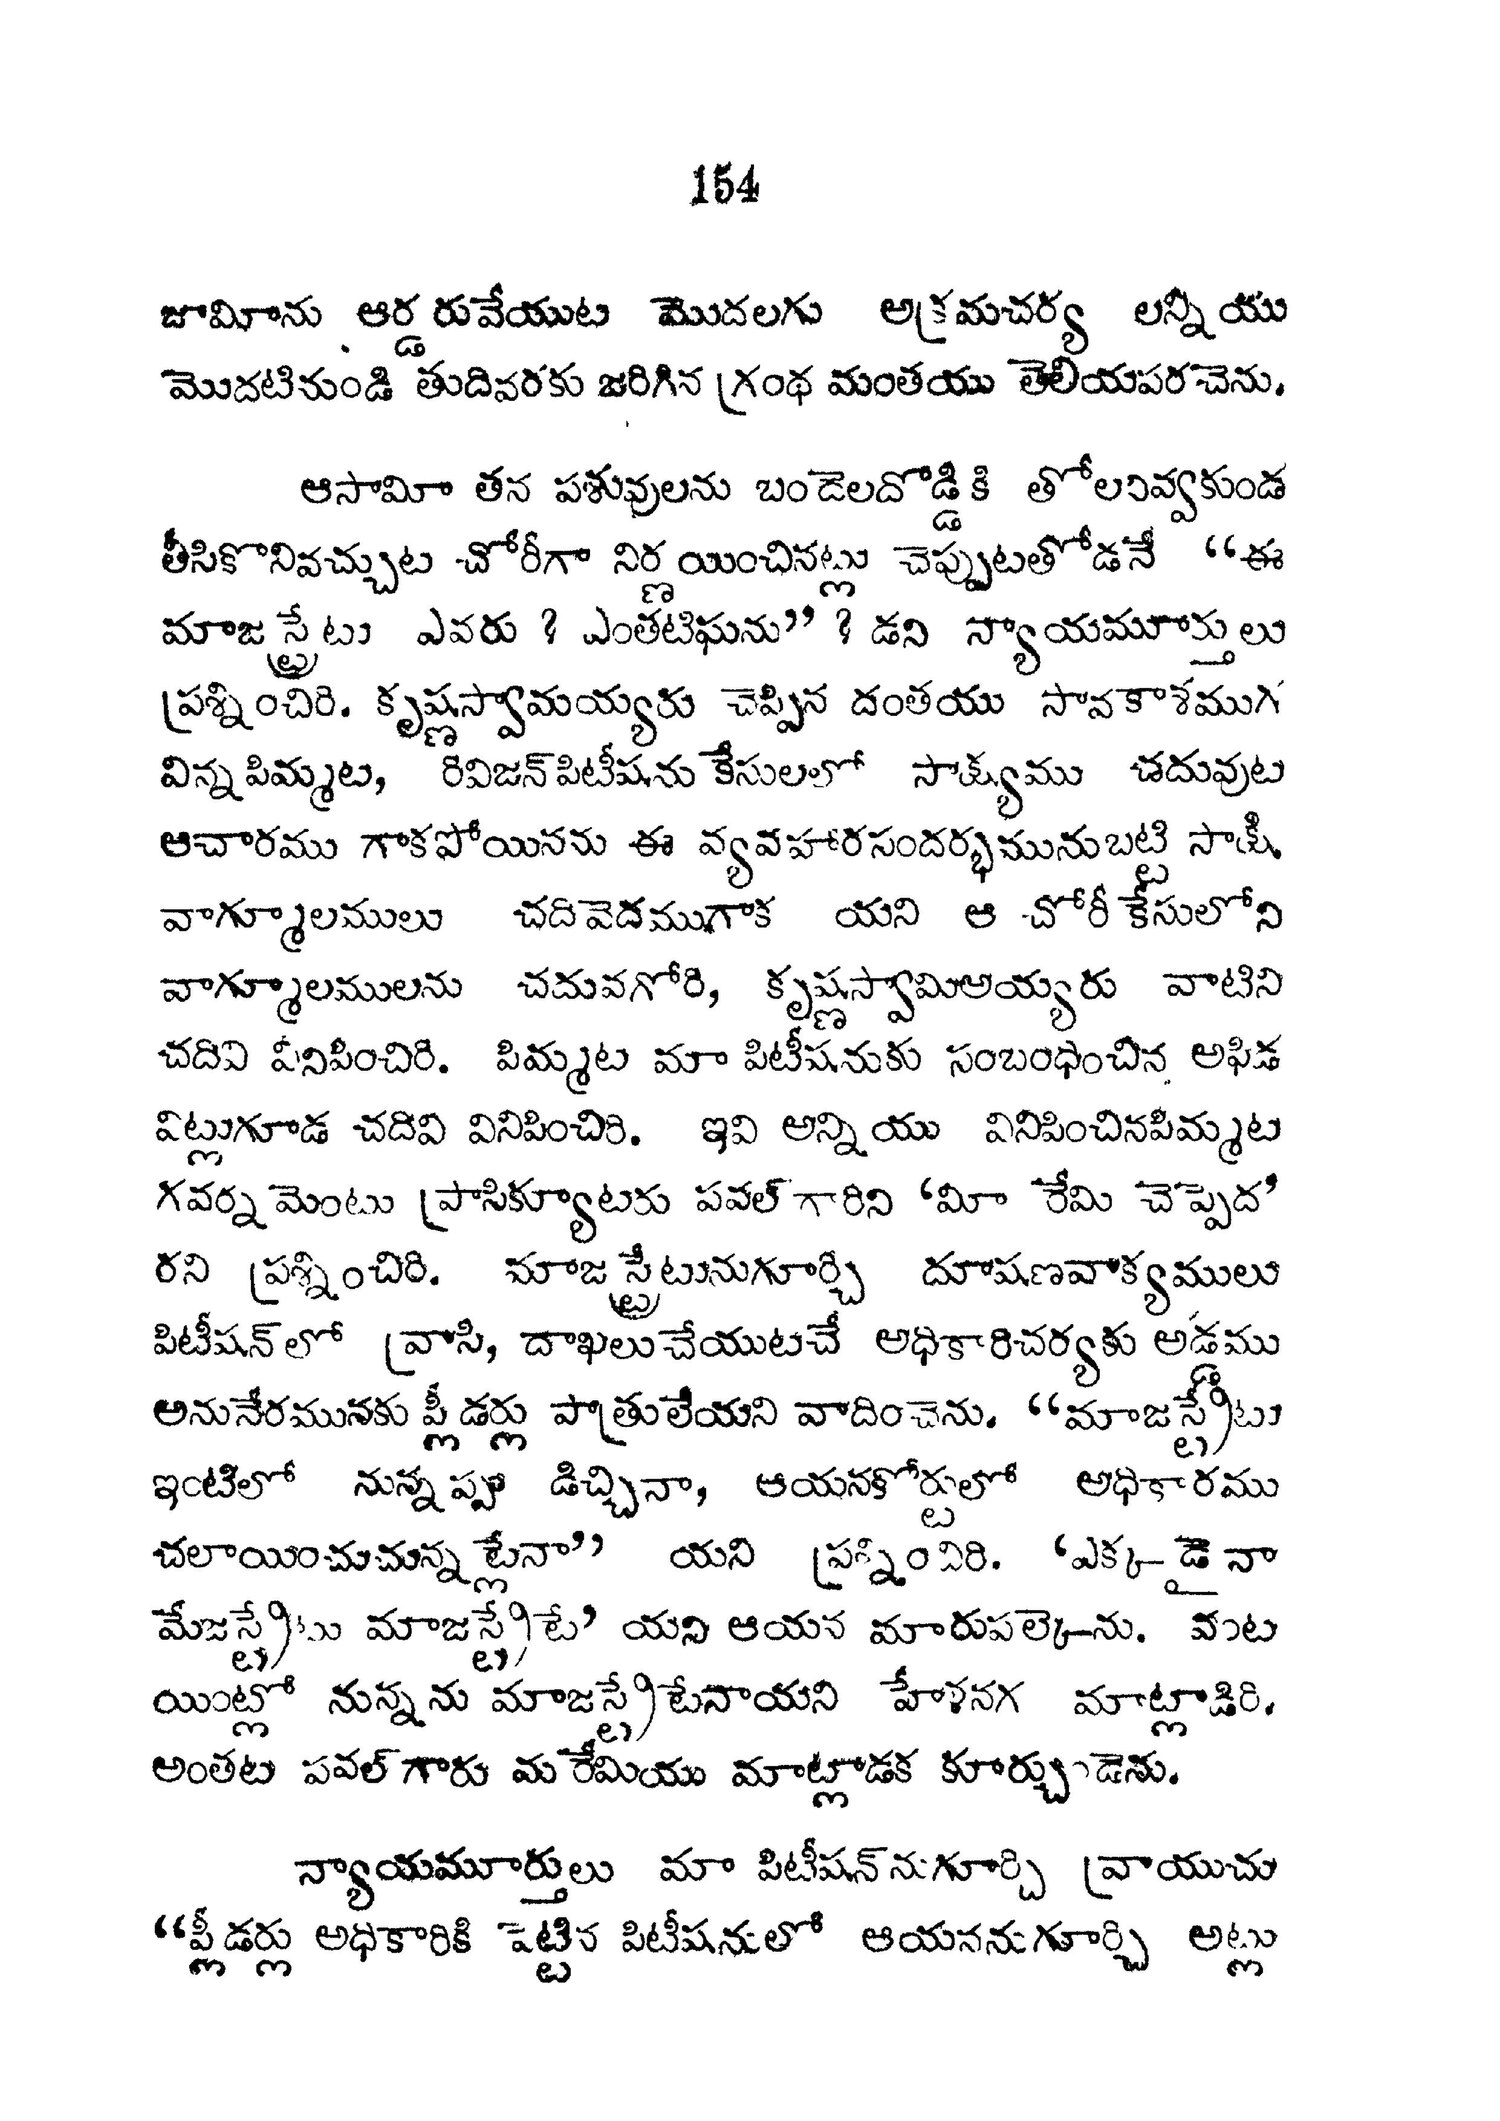జామీను ఆర్డరువేయుట మొదలగు అక్రమచర్య లన్నియు మొడటినుండి తుదివరకు జరిగిన గ్రంథ మంతయు తెలియపరచెను.

ఆసామీ తన పశువులను బందెలదొడ్డికి తోలనివ్వకుండ తీసికొనివచ్చుట చోరీగా నిర్ణయించినట్లు చెప్పుటతోడనే "ఈ మాజస్ట్రేటు ఎవరు ? ఎంతటిఘను"?డని న్యాయమూర్తులు ప్రశ్నించిరి. కృష్ణస్వామయ్యరు చెప్పిన దంతయు సావకాశముగ విన్నపిమ్మట, రివిజన్‌పిటీషను కేసులలో సాక్ష్యము చదువుట ఆచారము గాకపోయినను ఈ వ్యవహారసందర్భమునుబట్టి సాక్షి వాగ్మూలములు చదివెదముగాక యని ఆ చోరీకేసులోని వాగ్మూలములను చదువగోరి, కృష్ణస్వామి అయ్యరు వాటిని చదివి వినిపించిరి. పిమ్మట మా పిటీషనుకు సంబంధించిన అఫిడవిట్లుగూడ చదివి వినిపించిరి. ఇవి అన్నియు వినిపించినపిమ్మట గవర్ణమెంటు ప్రాసిక్యూటరు పవల్ గారిని 'మీ రేమి చెప్పెద' రని ప్రశ్నించిరి. మాజస్ట్రేటునుగూర్చి దూషణవాక్యములు పిటిషన్‌లో వ్రాసి, దాఖలుచేయుటచే అధికారిచర్యకు అడ్డము అనునేరమునకు ప్లీడర్లు పాత్రులేయని వాదించెను. "మాజస్ట్రేటు ఇంటిలో నున్నప్పు డిచ్చినా, ఆయనకోర్టులో అధికారము చలాయించుచున్నట్లేనా" యని ప్రశ్నించిరి. 'ఎక్కడైనా మేజస్ట్రేటు మాజస్ట్రేటే' యని ఆయన మారుపల్కెను. వంట యింట్లో నున్నను మాజస్ట్రేటేనాయని హేళనగ మాట్లాడిరి. అంతట పవల్‌గారు మరేమియు మాట్లాడక కూర్చుండెను.

న్యాయమూర్తులు మా పిటీషన్‌నుగూర్చి వ్రాయుచు "ప్లీడర్లు అధికారికి పెట్టిన పిటీషనులో ఆయననుగూర్చి అట్లు